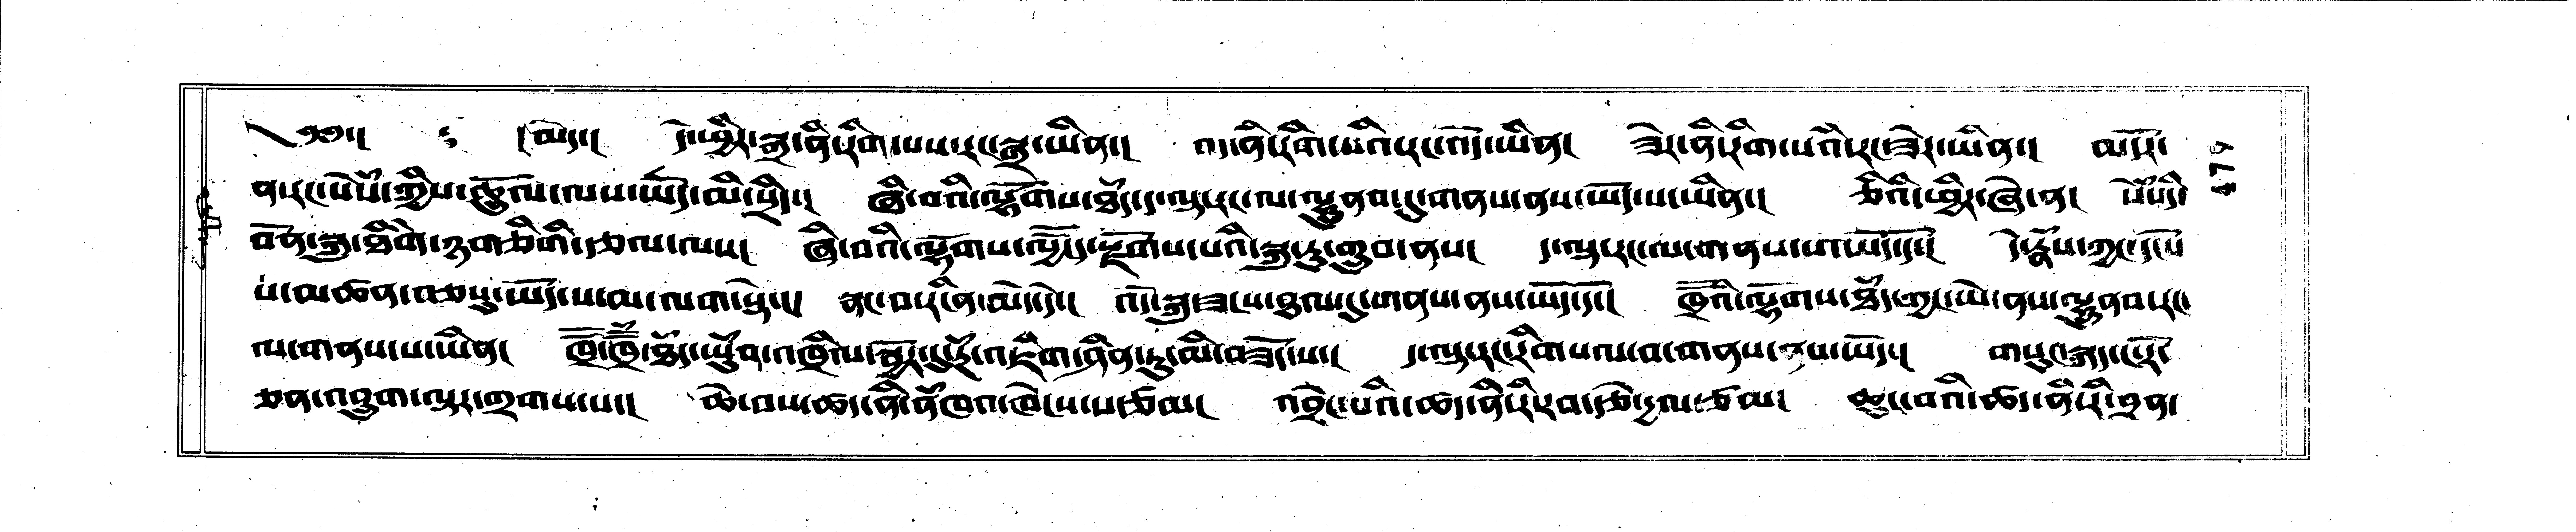མེད། དེ་ཕྱིར་སྒྲ་ནི་རིག་པའི་རང་སྒྲ་ཡིན། འོད་ནི་རིག་པའི་རང་འོད་ཡིན། ཟེར་ནི་རིག་པའི་རང་ཟེར་ཡིན། མདོར་
ན་སྣང་སེམས་ཀྱིས་ཆོ་འཕྲུལ་ལས་ཡོད་མི་སྲིད་དོ། ཞི་བའི་ལྷ་ཚོགས་ཐམས་ཅད་ཀྱང་། ད་ལྟ་རང་ལ་ལྷུན་གྲུབ་དུ་གནས་ནས་ཡོད་པ་ཡིན། དེ་ཅིའི་ཕྱིར་ཞེ་ན། སེམས་ཉིད་
བོན་སྐུ་ཐིག་ལེ་ཉག་ཅིག་གིས་རྩལ་ལས། ཞི་བའི་ལྷ་ཚོགས་ཐམས་ཅད་ཀྱང་། ལོངས་སྤྱོད་རྫོགས་པའི་སྐུ་རུ་གྲུབ་ནས། ད་ལྟ་རང་ལ་གནས་ནས་ཡོད་དོ། དེ་རྣམས་ཀྱང་དངོས་
པོ་མཚན་བཅས་སུ་ཡོད་པ་མ་ལགས་སྟེ། སྣང་ལ་རང་བཞིན་མེད་དེ། འོད་སྐུ་ཟང་ཏལ་དུ་གནས་པས་ཡོད་དོ། ཁྲོ་བོའི་ལྷ་ཚོགས་ཐམས་ཀྱང་ཡེ་ནས་ལྷུན་གྲུབ་དུ་རང་
ལས་གནས་པ་ཡིན་ནོ། ཁྲོ་བོ་ཁྲོ་མོ་ཐམས་ཅད་ཡབ་ཡུམ་འཁྲིལ་སྦྱོར་དུ་རྔམ་ལ་འཇིགས་པ། ཤིན་ཏུ་མི་བཟད་རྔམ་པ། ད་ལྟ་རང་གིས་ལུས་ལ་གནས་ནས་ཡོད་དོ། གསུང་སྐད་ང་རོ་
ཅན་འབྲུག་ལྟར་དུ་གྲགས་པ། ཆེ་བའི་ཚད་ནི་ནམ་མཁའ་ཁེང་པ། འབྲེང་༼འབྲིང༽བའི་ཚད་ནི་རི་རབ་རྩེ་རྒྱལ་རྩམ། ཆུང་བའི་ཚད་ནི་རི་བྲན་